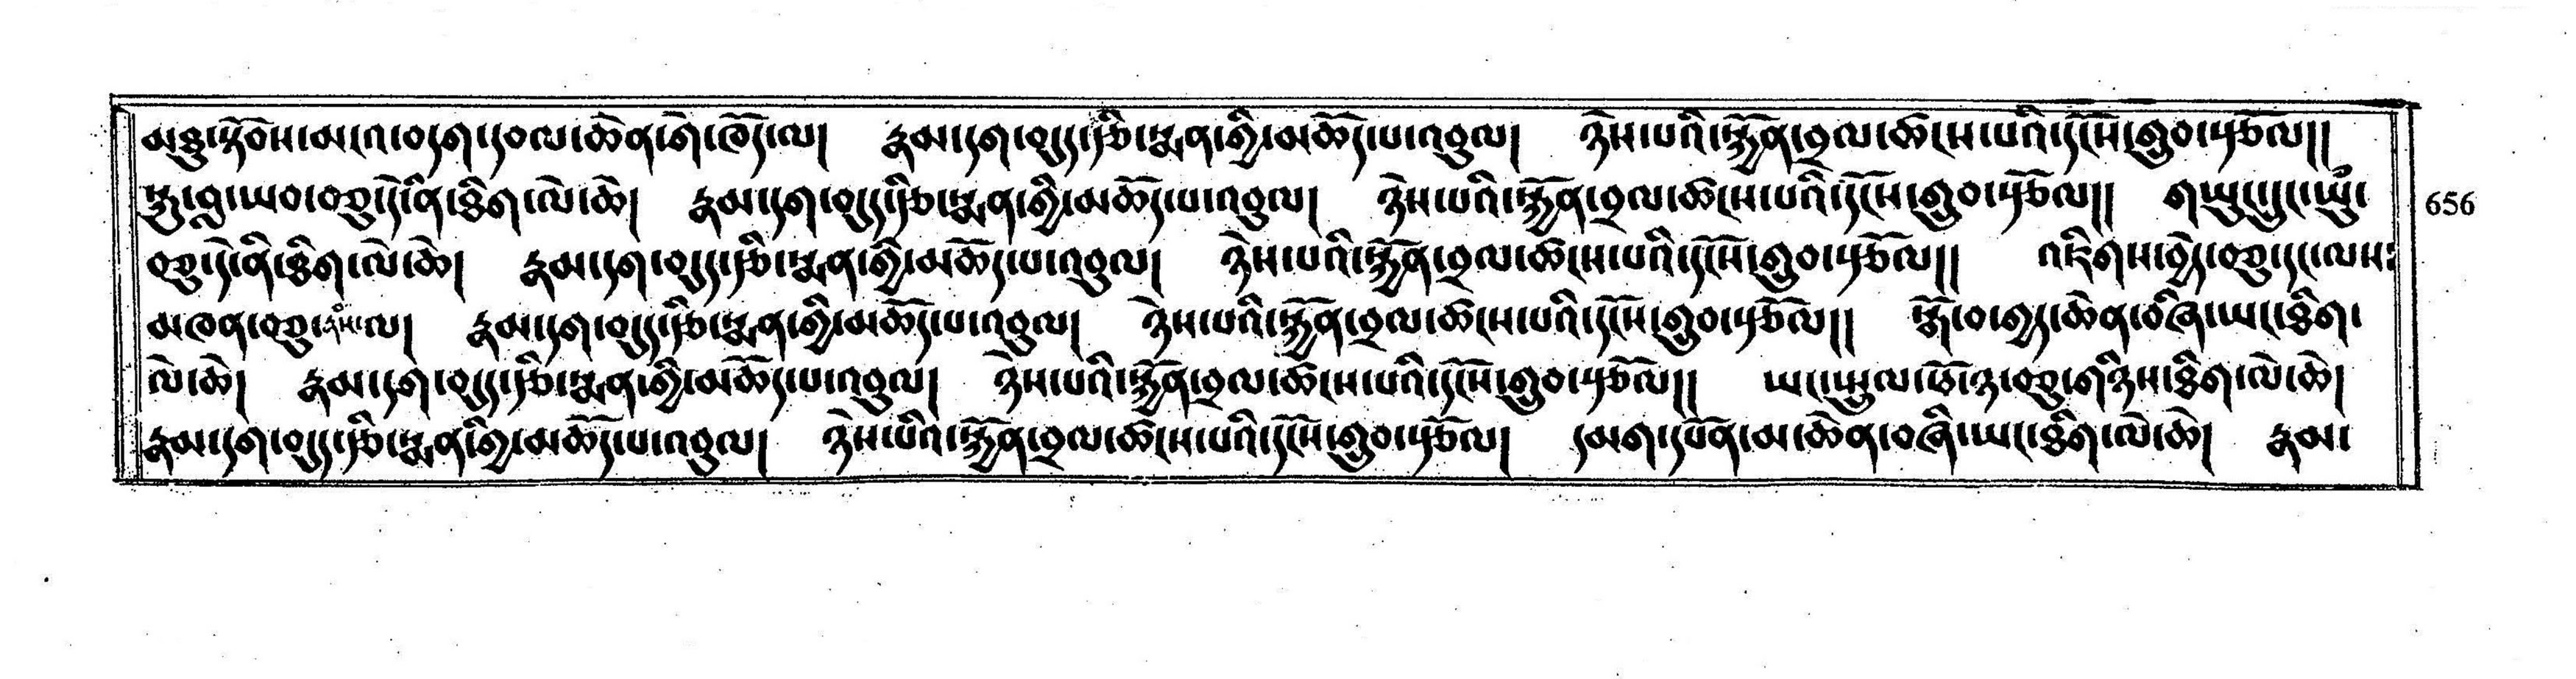མཐུ་སྟོབས་མངའ་བདག་དབལ་ཆེན་གེ་ཁོད་ལ། རྣམ་དག་བདུད་རྩི་སྨན་གྱི་མཆོད་པ་འབུལ། ཉེས་པའི་སྐྱོན་བྲལ་ཚངས་པའི་དངོས་གྲུབ་སྩོལ།། 
སྐུ་བླ་ཡབ་བཅུ་དེ་ནི་ཐིག་ལེ་ཆེ། རྣམ་དག་བདུད་རྩི་སྨན་གྱི་མཆོད་པ་འབུལ། ཉེས་པའི་སྐྱོན་བྲལ་ཚངས་པའི་དངོས་གྲུབ་སྩོལ།། གཡུང་དྲུང་ཡུམ་
བཅུ་དེ་ནི་ཐིག་ལེ་ཆེ། རྣམ་དག་བདུད་རྩི་སྨན་གྱི་མཆོད་པ་འབུལ། ཉེས་པའི་སྐྱོན་བྲལ་ཚངས་པའི་དངོས་གྲུབ་སྩོལ།། འཇིགས་བྱེད་བཅུ་དང་ལས་
མཁན་བཅུ་རྣམས་ལ། རྣམ་དག་བདུད་རྩི་སྨན་གྱི་མཆོད་པ་འབུལ། ཉེས་པའི་སྐྱོན་བྲལ་ཚངས་པའི་དངོས་གྲུབ་སྩོལ།། སྒོ་བ་གྱད་ཆེན་བཞི་ཡང་ཐིག་
ལེ་ཆེ། རྣམ་དག་བདུད་རྩི་སྨན་གྱི་མཆོད་པ་འབུལ། ཉེས་པའི་སྐྱོན་བྲལ་ཚངས་པའི་དངོས་གྲུབ་སྩོལ།། ཡང་སྤྲུལ་ཕོ་ཉ་བཅུ་གཉིས་ཐིག་ལེ་ཆེ། 
རྣམ་དག་བདུད་རྩི་སྨན་གྱི་མཆོད་པ་འབུལ། ཉེས་པའི་སྐྱོན་བྲལ་ཚངས་པའི་དངོས་གྲུབ་སྩོལ། དམག་དཔོན་མ་ཆེན་བཞི་ཡང་ཐིག་ལེ་ཆེ། རྣམ་